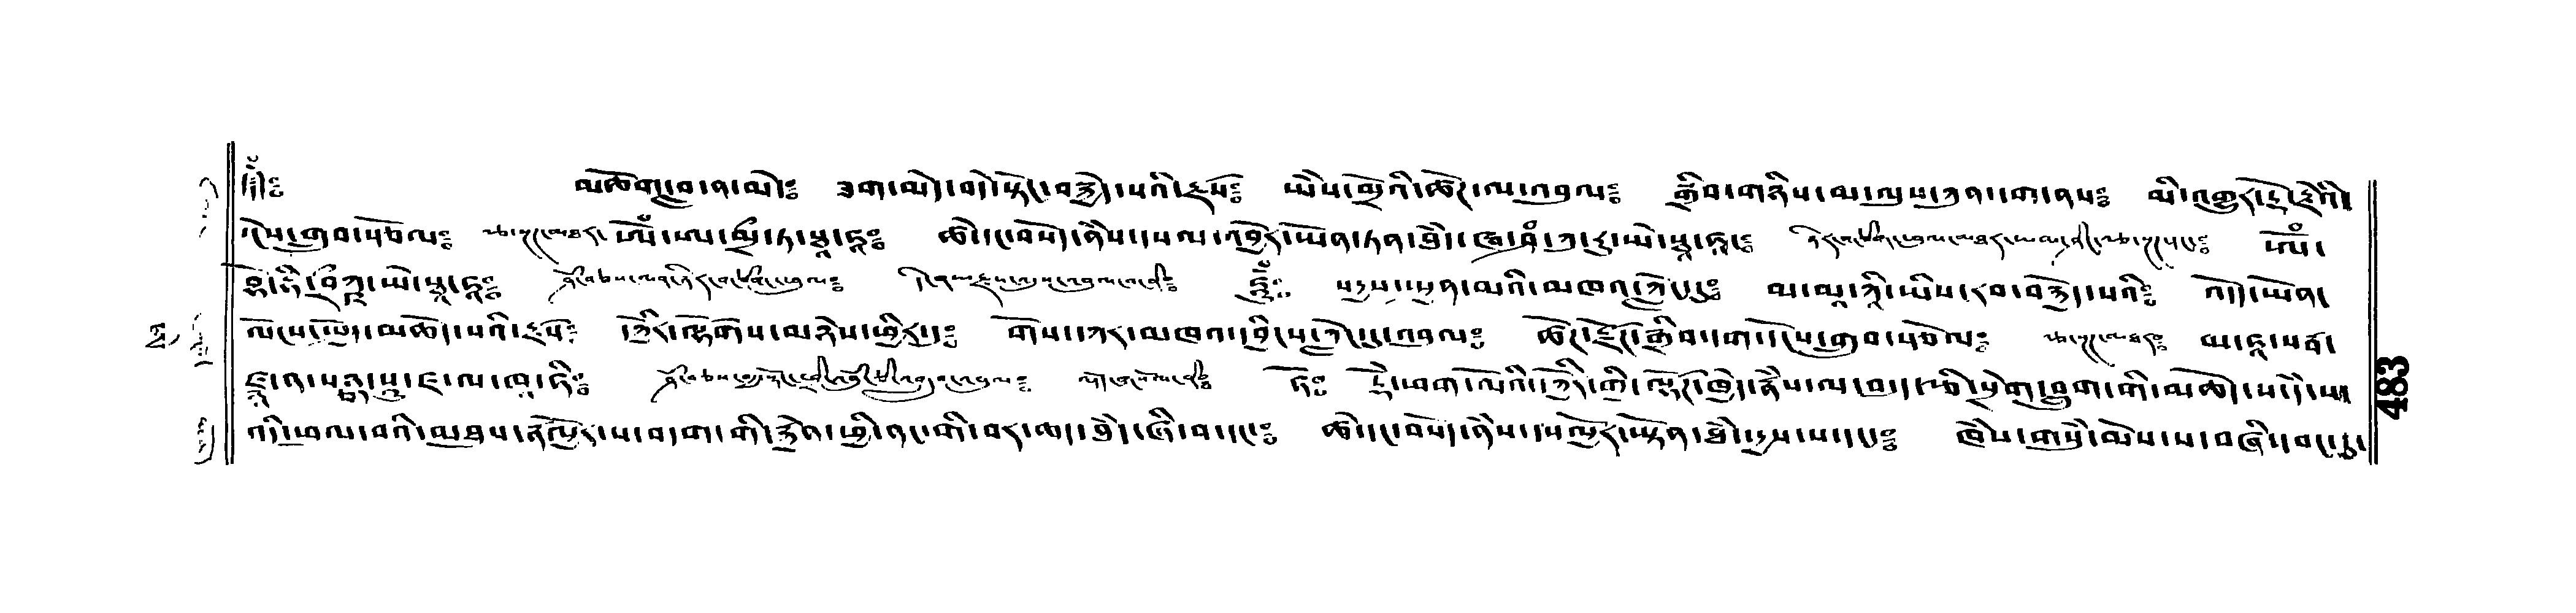མཆོག་བླ་ན་མེད༔ ཟག་མེད་བདེ་སྟོང་བསྐྱེད་པའི་རྫས༔ ཡེ་ཤེས་མཁའ་འགྲོའི་ཚོགས་ལ་འབུལ༔ སྒྲིབ་གཉིས་མ་ལུས་ཀུན་དག་ནས༔ མི་འགྱུར་རྡོ་རྗེའི་
དངོས་གྲུབ་སྩོལ༔ རྩ་སྔགས་མཐར༔ ཨོཾ་ཨ་མྲྀ་ཏ་སྭཱ་ཧཱ༔ ཚེ་དང་བསོད་ནམས་དཔལ་འབྱོར་ཡོན་ཏན་ཐམས་ཅད་ཝ་ཤཾ་ཀུ་རུ་ཡེ་སྭཱ་ཧཱ༔ ཉེར་གཅིག་ཕུལ་མཐར་ཡམ་ཤིང་རྩ་སྔགས་དང༔ ཨོཾ་
བྷོ་དྷི་བྲྀཀྵ་ཡེ་སྭཱ་ཧཱ༔ ཤམ་བཅས་ལན་ཉེར་གཅིག་ཕུལ༔ དེ་ནས་རྫས་འདུས་འབུལ་བ་ནི༔ ཧཱུྃ༔ སངས་རྒྱས་སྤྱན་མའི་མཁའ་ཀློང་དུ༔ མ་མཱ་ཀཱི་ཡིས་རབ་བསྐྱོད་པའི༔ འདོད་ཡོན་
ལོངས་སྤྱོད་མཆོད་པའི་རྫས༔ དཀྱིལ་འཁོར་ལྷ་ཚོགས་མཉེས་ཕྱིར་དུ༔ གོས་དཀར་མཁའ་དབྱིངས་ཀློང་དུ་འབུལ༔ ཚོགས་རྫོགས་སྒྲིབ་དག་དངོས་གྲུབ་སྩོལ༔ རྩ་སྔགས་མཐར༔ མ་ཧཱ་སརྦ་
ཛྙཱ་ན་པཉྩ་པཱུ་ཛ་ལ་ཁཱ་ཧི༔ ཤམ་བཅས་བརྒྱ་སྟོང་ཁྲི་འབུམ་ཅི་འགྲུབ་འབུལ༔ འདོད་གསོལ་ནི༔ ཧོཿ རྡོ་རྗེ་ཕག་མོའི་དཀྱིལ་འཁོར་གྱི་ལྷ་ཚོགས་ཁྱེད་རྣམས་ལ་བདུད་རྩི་སྲེག་བླུག་གི་མཆོད་པ་དམ་པ་
འདི་ཕུལ་བའི་མཐུས་རྣལ་འབྱོར་པ་བདག་གི་རྐྱེན་ཕྱི་ནང་གི་བར་ཆད་ཐམས་ཅད་ཞི་བ་དང༔ ཚེ་དང་བསོད་ནམས་དཔལ་འབྱོར་ཡོན་ཏན་ཐམས་ཅད་རྒྱས་པ་དང༔ ཁམས་གསུམ་མོས་པ་བཞི་དབང་དུ་